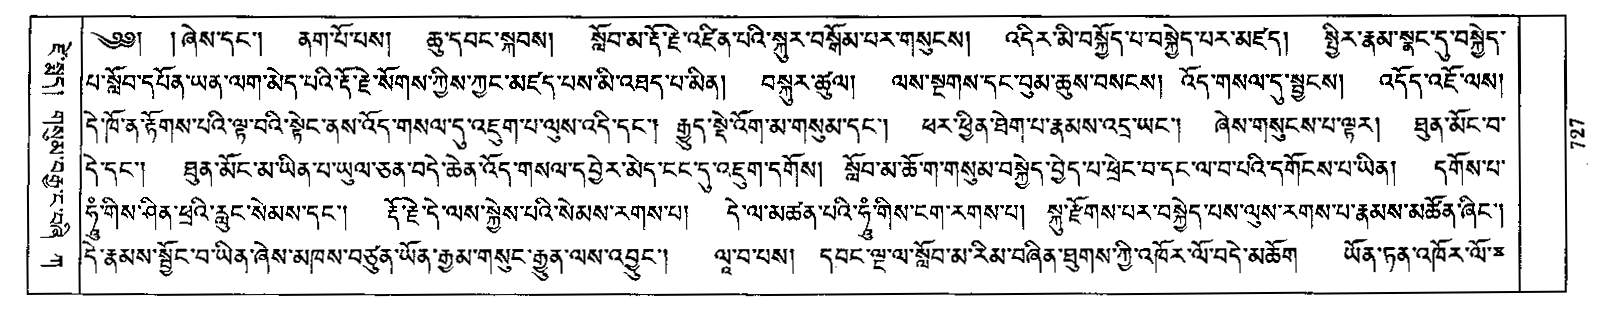༄༅། །ཞེས་དང་། ནག་པོ་པས། ཆུ་དབང་སྐབས། སློབ་མ་རྡོ་རྗེ་འཛིན་པའི་སྐུར་བསྒོམ་པར་གསུངས། འདིར་མི་བསྐྱོད་པ་བསྐྱེད་པར་མཛད། སྤྱིར་རྣམ་སྣང་དུ་བསྐྱེད་
པ་སློབ་དཔོན་ཡན་ལག་མེད་པའི་རྡོ་རྗེ་སོགས་ཀྱིས་ཀྱང་མཛད་པས་མི་འཐད་པ་མིན། བསྐུར་ཚུལ། ལས་སྔགས་དང་བུམ་ཆུས་བསངས། འོད་གསལ་དུ་སྦྱངས། འདོད་འཇོ་ལས།
དེ་ཁོ་ན་རྟོགས་པའི་ལྟ་བའི་སྟེང་ནས་འོད་གསལ་དུ་འཇུག་པ་ལུས་འདི་དང་། རྒྱུད་སྡེ་འོག་མ་གསུམ་དང་། ཕར་ཕྱིན་ཐེག་པ་རྣམས་འདྲ་ཡང་། ཞེས་གསུངས་པ་ལྟར། ཐུན་མོང་བ་
དེ་དང་། ཐུན་མོང་མ་ཡིན་པ་ཡུལ་ཅན་བདེ་ཆེན་འོད་གསལ་དབྱེར་མེད་ངང་དུ་འཇུག་དགོས། སློབ་མ་ཆོ་ག་གསུམ་བསྐྱེད་བྱེད་པ་ཕྲེང་བ་དང་ལ་བ་པའི་དགོངས་པ་ཡིན། དགོས་པ་
ཧཱུཾ་གིས་ཤིན་ཕྲའི་རླུང་སེམས་དང་། རྡོ་རྗེ་དེ་ལས་སྐྱེས་པའི་སེམས་རགས་པ། དེ་ལ་མཚན་པའི་ཧཱུཾ་གིས་ངག་རགས་པ། སྐུ་རྫོགས་པར་བསྐྱེད་པས་ལུས་རགས་པ་རྣམས་མཚོན་ཞིང་།
དེ་རྣམས་སྦྱོང་བ་ཡིན་ཞེས་མཁས་བཙུན་ཡོན་རྒྱམ་གསུང་རྒྱུན་ལས་འབྱུང་། ལཱ་བ་པས། དབང་ལྔ་ལ་སློབ་མ་རིམ་བཞིན་ཐུགས་ཀྱི་འཁོར་ལོ་བདེ་མཆོག་ཡོན་ཏན་འཁོར་ལོ་྾་